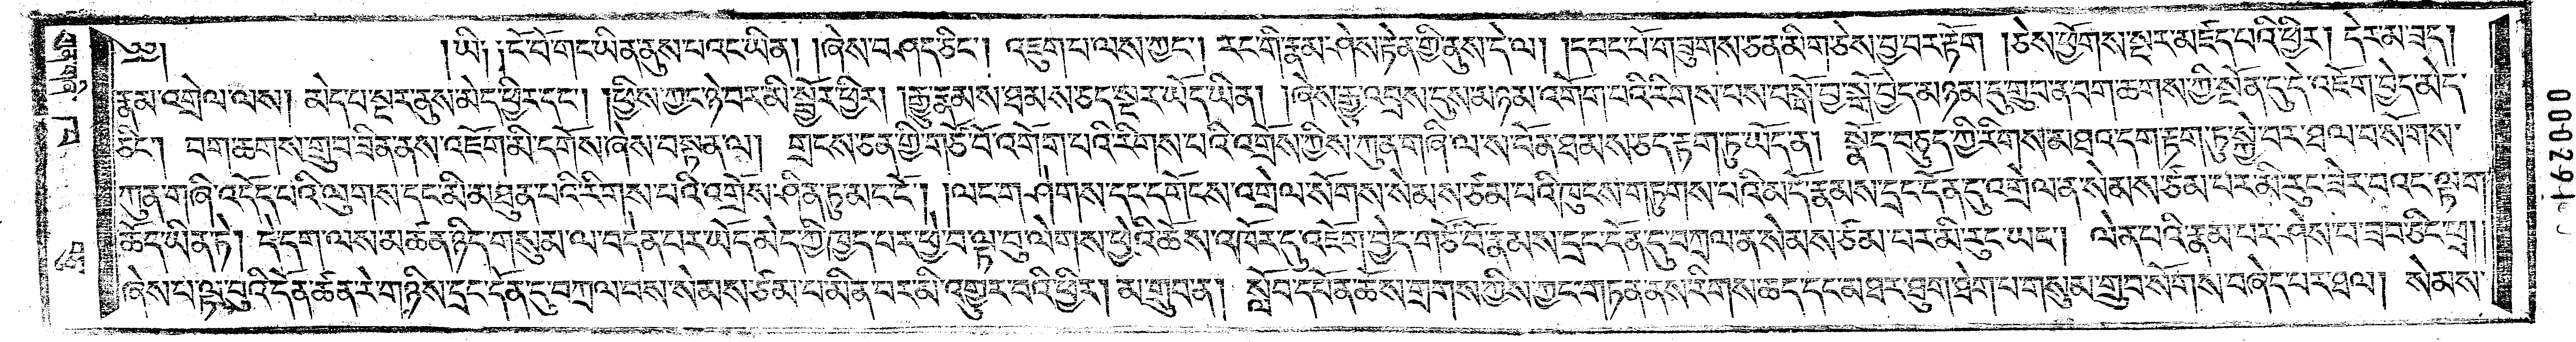༄༅། །ཡི༑ ༑ངོ་བོ་གང་ཡིན་ནུས་པའང་ཡིན། །ཞེས་བཤད་ཅིང་། འཇུག་པ་ལས་ཀྱང་། རང་གི་རྣམ་ཤེས་རྟེན་གྱི་ནུས་དེ་ལ། །དབང་པོ་གཟུགས་ཅན་མིག་ཅེས་བྱ་བར་རྟོག །ཅེས་ཕྱོགས་སྔར་མཛད་པའི་ཕྱིར། དེར་མ་ཟད།
རྣམ་འགྲེལ་ལས། མེད་བ་སྔར་ནུས་མེད་ཕྱིར་དང་། །ཕྱིས་ཀྱང་ཉེ་བར་མི་སྦྱོར་ཕྱིར། །རྒྱུ་རྣམས་ཐམས་ཅད་སྔར་ཡོད་ཡིན། །ཞེས་རྒྱུ་འབྲས་དུས་མཉམ་འགོག་པའི་རིགས་པས་བསྒོ་བྱ་སྒོ་བྱེད་མཉམ་དུ་གྲུབ་ན་བག་ཆགས་ཀྱི་སྔོན་དུ་དེ་འཇོག་བྱེད་མེད་
ཅིང་། བག་ཆགས་གྲུབ་ཟིན་ནས་འཇོག་མི་དགོས་ཞེས་བསྟན་ལ། གྲངས་ཅན་གྱི་གཙོ་བོ་འགོག་པའི་རིགས་པའི་འགྲོས་ཀྱིས་ཀུན་གཞི་ལ་ས་བོན་ཐམས་ཅད་རྟག་ཏུ་ཡོད་ན། སྣོད་བཅུད་ཀྱི་རིགས་མཐའ་དག་རྟག་ཏུ་སྐྱེ་བར་ཐལ་བ་སོགས་
ཀུན་གཞི་འདོད་པའི་ལུགས་དང་མི་མཐུན་པའི་རིགས་པའི་འགྲོས་ཤིན་ཏུ་མང་ངོ། །ལང་གཤེགས་དང་དགོངས་འགྲེལ་སོགས་སེམས་ཙམ་པའི་ཁུངས་གཏུགས་པའི་མདོ་རྣམས་དྲང་དོན་དུ་འགྲེལ་ན་སེམས་ཙམ་པར་མི་རུང་ཟེར་བའང་ལྟག་
ཚོད་ཡིན་ཏེ། དེ་དག་ལས་མཚན་ཉིད་གསུམ་ལ་བདེན་པར་ཡོད་མེད་ཀྱི་ཁྱད་པར་ཕྱེ་བ་ལྟ་བུ་ལེགས་ཕྱེའི་ཆོས་འཁོར་དུ་འཇོག་བྱེད་གཙོ་བོ་རྣམས་དྲང་དོན་དུ་བཀྲལ་ན་སེམས་ཙམ་པར་མི་རུང་ཡང་། ལེན་པའི་རྣམ་པར་ཤེས་པ་ཟབ་ཅིང་ཕྲ།།
ཞེས་པ་ལྟ་བུའི་དོན་ཚན་རེ་གཉིས་དྲང་དོན་དུ་བཀྲལ་བས་སེམས་ཙམ་པ་མིན་པར་མི་འགྱུར་བའི་ཕྱིར། མ་གྲུབ་ན། སློབ་དཔོན་ཆོས་གྲགས་ཀྱིས་ཀྱང་གཏན་ནས་རིགས་ཆད་དང་མཐར་ཐུག་ཐེག་པ་གསུམ་གྲུབ་སོགས་བཞེད་པར་ཐལ། སེམས་